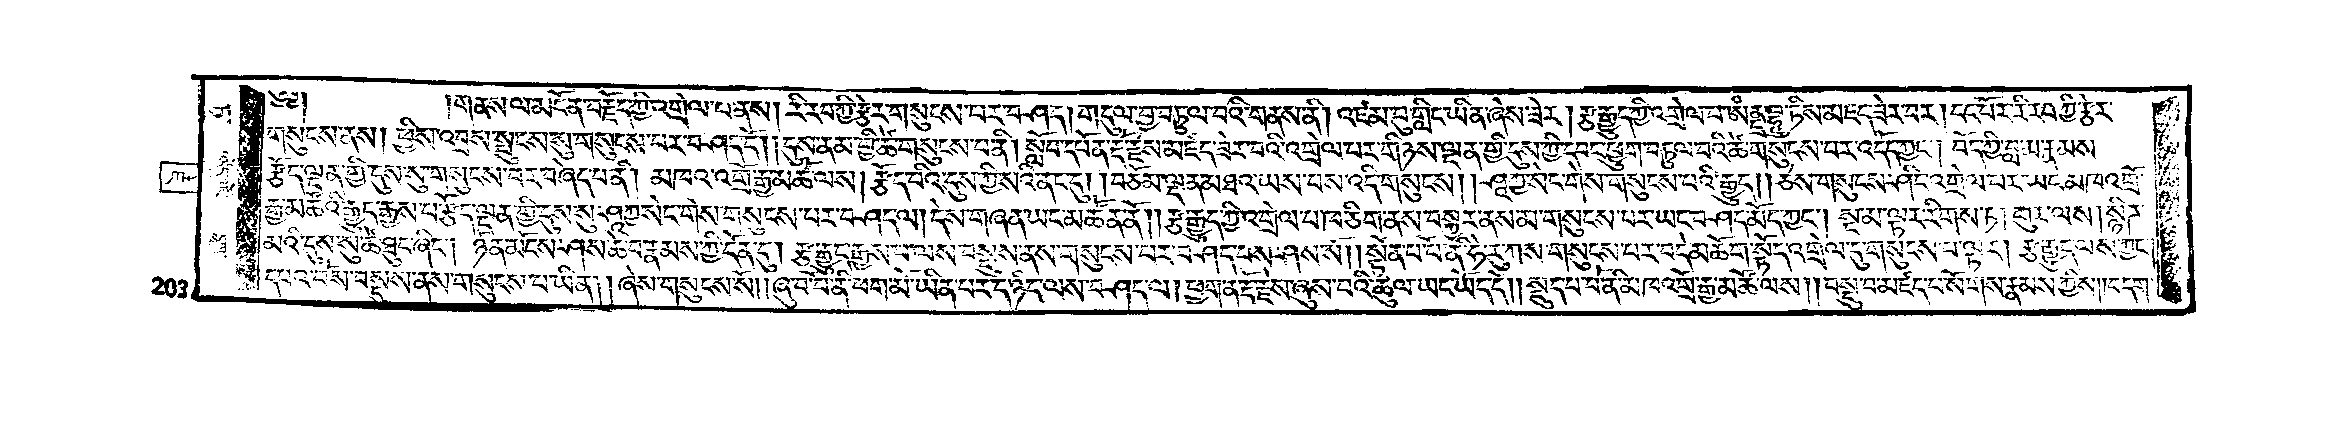༄༅། །གནས་ལ་མངོན་བརྗོད་ཀྱི་འགྲེལ་པ་ནས། རི་རབ་ཀྱི་རྩེར་གསུངས་པར་བཤད། གདུལ་བྱ་བཏུལ་བའི་གནས་ནི། འཛམ་བུ་གླིང་ཡིན་ཞེས་ཟེར། རྩ་རྒྱུད་ཀྱི་འགྲེལ་པ་ཨིནྡྲ་བྷཱུ་ཏིས་མཛད་ཟེར་བར། དང་པོར་རི་རབ་ཀྱི་རྩེར་
གསུངས་ནས། ཕྱིས་འབྲས་སྤུངས་སུ་གསུངས་པར་བཤད་དོ། །དུས་ནམ་གྱི་ཚེ་གསུངས་པ་ནི། སློབ་དཔོན་རྡོ་རྗེས་མཛད་ཟེར་བའི་འགྲེལ་པར་གཉིས་ལྡན་གྱི་དུས་ཀྱི་དབང་ཕྱུག་བཏུལ་བའི་ཚེ་གསུངས་པར་འདོད་ཀྱང་། བོད་ཀྱི་བླ་མ་རྣམས་
རྩོད་ལྡན་གྱི་དུས་སུ་གསུངས་པར་བཞེད་པ་ནི། མཁའ་འགྲོ་རྒྱ་མཚོ་ལས། རྩོད་པའི་དུས་ཀྱི་སའི་ནང་དུ། །བཅོམ་ལྡན་མཐའ་ཡས་པས་འདི་གསུངས། །ཤཱཀྱ་སེང་གེས་གསུངས་པའི་རྒྱུད། །ཅེས་གསུངས་ཤིང་འགྲེལ་པར་ཡང་མཁའ་འགྲོ་
རྒྱ་མཚོའི་རྒྱུད་རྒྱས་པ་རྩོད་ལྡན་གྱི་དུས་སུ་ཤཱཀྱ་སེང་གེས་གསུངས་པར་བཤད་ལ། དེས་གཞན་ཡང་མཚོན་ནོ། །རྩ་རྒྱུད་ཀྱི་འགྲེལ་པ་ཁ་ཅིག་ནས་བསྐྱར་ནས་མ་གསུངས་པར་ཡང་བཤད་མོད་ཀྱང་། སྔ་མ་ལྟར་རིགས་ཏེ། གུར་ལས། སྙིགས་
མའི་དུས་སུ་ཚེ་ཐུང་ཞིང་། ཉོན་མོངས་ཤས་ཆེ་བ་རྣམས་ཀྱི་དོན་དུ། རྩ་རྒྱུད་རྒྱས་པ་ལས་བསྡུས་ནས་གསུངས་པར་བཤད་པས་ཤས་སོ། །སྟོན་པ་པོ་ནི་ཧེ་རུ་ཀས་གསུངས་པར་བདེ་མཆོག་སྟོད་འགྲེལ་དུ་གསུངས་པ་ལྟར། རྩ་རྒྱུད་ལས་ཀྱང་།
དཔའ་བོས་བསྡུས་ནས་གསུངས་པ་ཡིན། །ཞེས་གསུངས་སོ། །ཞུ་བ་པོ་ནི་ཕག་མོ་ཡིན་པར་དེ་ཉིད་ལས་བཤད་ལ། ཕྱག་ན་རྡོ་རྗེས་ཞུས་པའི་ཚུལ་ཡང་ཡོད་དོ། །སྡུད་པ་པོ་ནི་མཁའ་འགྲོ་རྒྱ་མཚོ་ལས། །བསྡུ་བ་མཛད་པ་སོགས་རྣམས་ཀྱིས། །བདག་